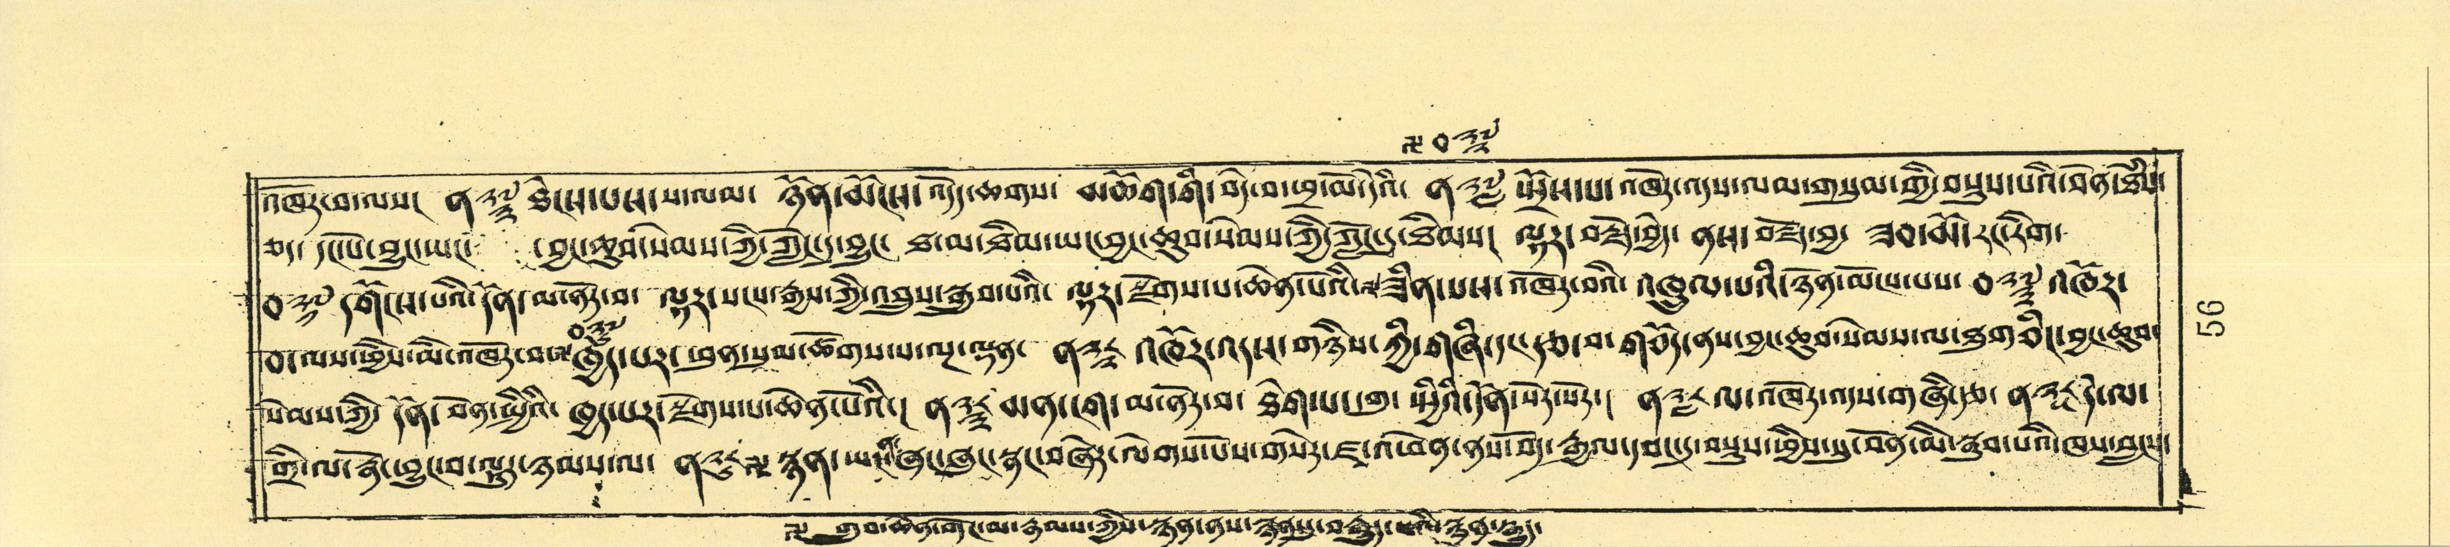འཁོར་བ་ལས་ན༢༧།༣༼ཐཻངས་པས༽ས་ལམ་ ༼ཉོན་མོངས༽འདོད་ཆགས་༼མཆོག་གི༽བདེ་བ་ཕྲ་མོ་དེའི་ན༢༧།༤ ༼སྤྲོས་པ༽འཁོར་འདས་ལམ་གསུམ་གྱིས་བསྡུས་པའི་བོན་ཐམས་
ཅད། དང་པོ་བྱུང་ཡང་། བྱང་ཆུབ་སེམས་ཀྱི་ཀློང་དུ་བྱུང་། ཐ་མ་ཐིམ་ཡང་བྱང་ཆུབ་སེམས་ཀྱི་ཀློང་དུ་ཐིམ།༼ལྟར༽རྗོད་བྱེད་༼ནས༽བརྗོད་བྱ་༼ཟབ་མོ༽རང་རིག་
བ༢༧།༡ ༼དགོངས༽པའི་༼དོན༽མ་ནོར་བ་༼ལྟར༽སངས་རྒྱས་ཀྱི་འབྲས་བུ་བསྒྲུབ་པའི་༼ལྟར༽རྫོགས་པ་ཆེན་པོའི་ བ༢༧།༢༼ཟིན་པས༽འཁོར་བའི་༼འཁྲུལ་པའི༽ཉོན་མོངས་པས་ བ༢༧།༣འཁོར་
བ་ལས་ཕྱིས་མི་འཁོར་བ་བ༢༧།༦ ༼ཁྱད་པར༽ཕུན་སུམ་ཚོགས་པ་ལྔ་ལྡན་ན༢༨།༢༼འཁོར་འདས༽གཉིས་ཀྱི་༼གཞི༽དང་༼རྩ༽བ་༼གཅོད༽ནས་བྱང་ཆུབ་སེམས་ལ་ཐུག༼ཅིང༽བྱང་ཆུབ་
སེམས་ཀྱི་༼དོན༽བོན་སྤྱིའི་༼ཁྱད་པར༽རྫོགས་པ་ཆེན་པོའི་ན༢༨།༣ ༼མན་ངག༽མ་ནོར་བ་༼ཐེག་པ༽དགུ་༼སྤྱིའི་དོན༽སོ་སོར་ན༢༨།༤༼ལ༽འཁོར་འདས་གཞི་རྩ་ན༢༨།༥༼དེ་ལ༽
གྲི་ལ་རྣོ་ཕྱུང་བ་ལྟ་བུར་ཉམས་ལ་ ན༢༨། ༦གྲུབ་ཆེན་གོང་མ་རྣམས་ཀྱིས་སྙན་ནས་སྙན་དུ་བརྒྱུད་པའི་སྙན་བརྒྱུད་༼སྙན༽ཡང་ན་ཞང་ཞུང་སྣང་བཞེར་ལོད་པོས་གསེར་ཛྭ་འཕངས་ནས་བོད་རྒྱལ་དབང་དུ་བསྡུས། ཕྱིས་སུ་བོན་མི་བསྣུབ་པའི་ཁས་བླངས་